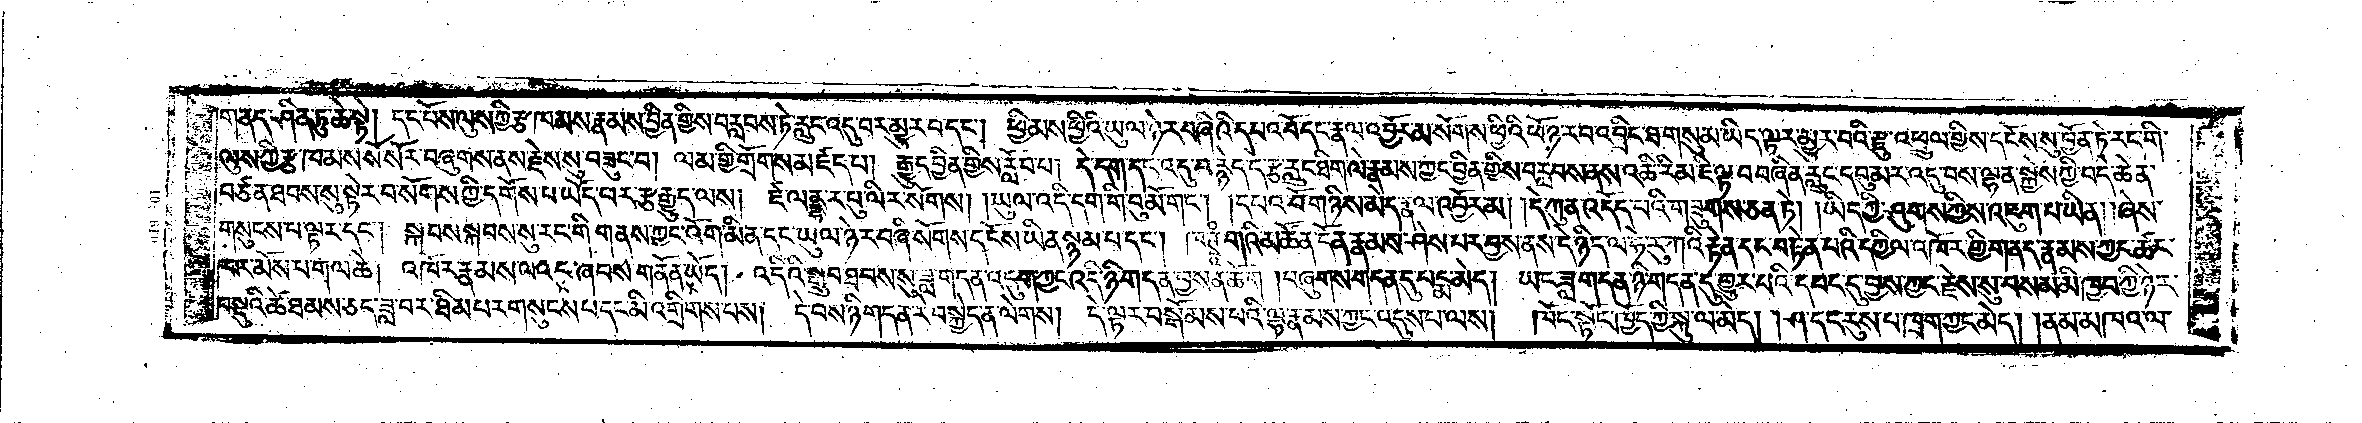གནང་ཤིན་ཏུ་ཆེ་སྟེ། དང་པོས་ལུས་ཀྱི་རྩ་ཁམས་རྣམས་བྱིན་གྱིས་བརླབས་ཏེ་རླུང་འདུ་བར་མྱུར་བ་དང་། ཕྱི་མས་ཕྱིའི་ཡུལ་ཉེར་བཞིའི་དཔའ་བོ་དང་རྣལ་འབྱོར་མ་སོགས་ཕྱིའི་ཕོ་ཉར་བ་འབྲིང་ཐ་གསུམ་ཡིད་ལྟར་མྱུར་བའི་རྫུ་འཕྲུལ་གྱིས་དངོས་སུ་བྱོན་ཏེ་རང་གི་
ལུས་ཀྱི་རྩ་ཁམས་སོ་སོར་བཞུགས་ནས་རྗེས་སུ་བཟུང་བ། ལམ་གྱི་གྲོགས་མཛད་པ། རྒྱུད་བྱིན་གྱིས་རློབ་པ། དེ་དག་དང་འདུ་བ་རྙེད་དེ་རྩ་རླུང་ཐིག་ལེ་རྣམས་ཀྱང་བྱིན་གྱིས་བརླབས་ནས་འཆི་རིམ་ཇི་ལྟ་བ་བཞིན་རླུང་དབུ་མར་འདུ་བས་ལྷན་སྐྱེས་ཀྱི་བདེ་ཆེན་
བཙན་ཐབས་སུ་སྟེར་བ་སོགས་ཀྱི་དགོས་པ་ཡོད་པར་རྩ་རྒྱུད་ལས། ཛ་ལནྡྷ་ར་བུ་ལིར་སོགས། །ཡུལ་འདི་དག་གི་བུ་མོ་གང་། །དཔའ་བོ་གཉིས་མེད་རྣལ་འབྱོར་མ། །དེ་ཀུན་འདོད་པའི་གཟུགས་ཅན་ཏེ། །ཡིད་ཀྱི་ཤུགས་ཀྱིས་འཇུག་པ་ཡིན། །ཞེས་
གསུངས་པ་ལྟར་དང་། སྐབས་སྐབས་སུ་རང་གི་གནས་ཀྱང་འོག་མིན་དང་ཡུལ་ཉེར་བཞི་སོགས་དངོས་ཡིན་སྙམ་པ་དང་། ཁ་ཊཝའཾ་གའི་མཚོན་དོན་རྣམས་ཤེས་པར་བྱས་ནས་དེ་ཉིད་ལ་ཧེ་རུ་ཀའི་རྟེན་དང་བརྟེན་པའི་དཀྱིལ་འཁོར་གྱི་གནད་རྣམས་ཀྱང་ཚང་
བར་མོས་པ་གལ་ཆེ། འཁོར་རྣམས་ལའང྾་ཞབས་གནོན྾་ཡོད། འདིའི་སྒྲུབ་ཐབས་སུ་ཟླ་གདན་འདུག་ཀྱང་འདི་ཉི་གདན་བྱས་ན་ཆོག །བཞུགས་གདན་དུ་པདམ་མེད། ཡང་ཟླ་གདན་ཉི་གདན་དུ་གྱུར་པའི་དབང་དུ་བྱས་ཀྱང་རྗེས་སུ་བསམ་མི་ཁྱབ་ཀྱི་ཉེར་
བསྡུའི་ཚེ་ཐམས་ཅད་ཟླ་བར་ཐིམ་པར་གསུངས་པ་དང་མི་འགྲིགས་པས། དེ་བས་ཉི་གདན་རེ་བསྐྱེད་ན་ལེགས། དེ་ལྟར་བསྒོམས་པའི་ལྷ་རྣམས་ཀྱང་འདུས་པ་ལས། ཁོང་སྟོང་ཁྱོད་ཀྱི་སྐུ་ལ་མེད། །ཤ་དང་རུས་པ་ཁྲག་ཀྱང་མེད། །ནམ་མཁའ་ལ་